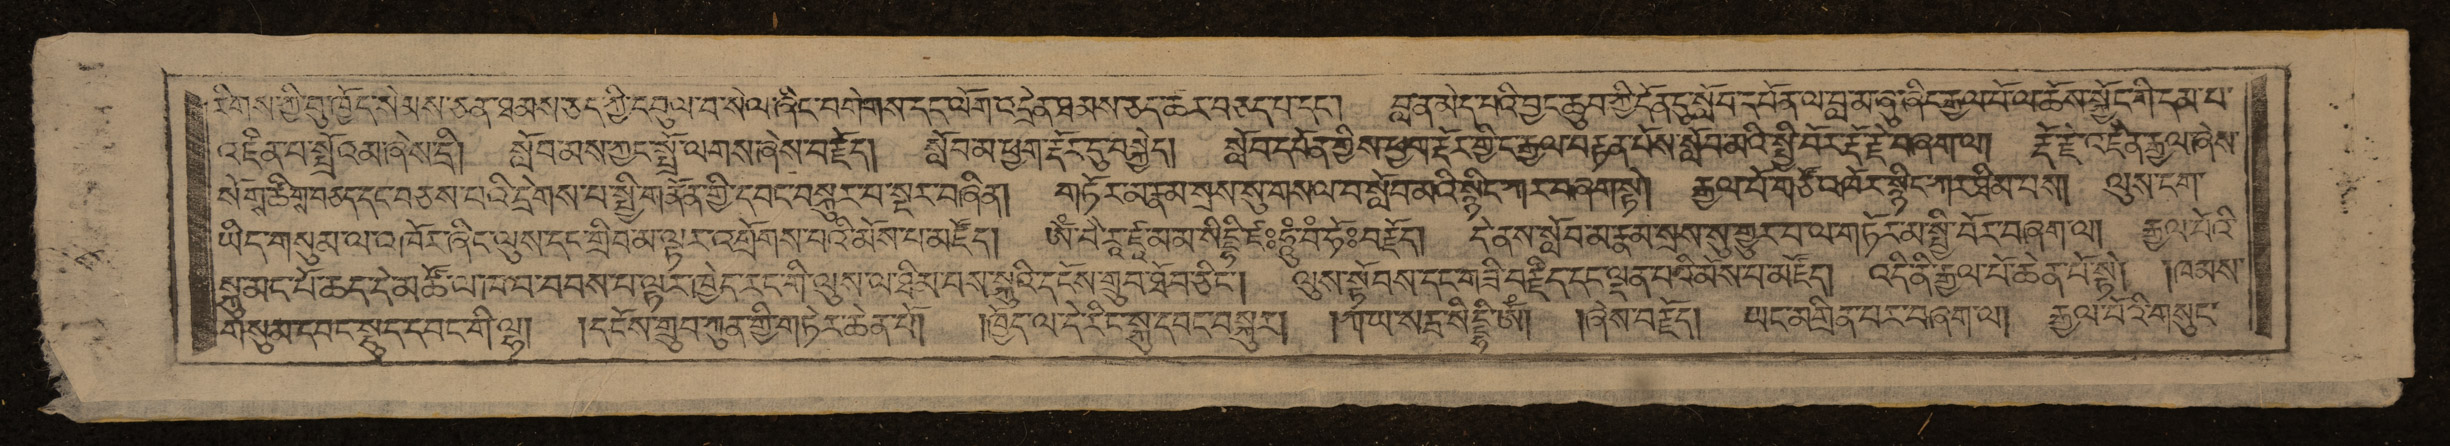རིགས་ཀྱི་བུ་ཁྱོད་སེམས་ཅན་ཐམས་ཅད་ཀྱི་དབུལ་བ་སེལ་ཞིང་བགེགས་དང་ལོག་འདྲེན་ཐམས་ཅད་ཚར་བཅད་པ་དང་། བླ་ན་མེད་པའི་བྱང་ཆུབ་ཀྱི་དོན་དུ་སློབ་དཔོན་ལ་བླ་མ་ཞུ་ཞིང་རྒྱལ་པོ་ལ་ཆོས་སྐྱོང་གི་དམ་པ་
འཛིན་པ་སྤྲོའམ་ཞེས་དྲི། སློབ་མས་ཀྱང་སྤྲོ་ལགས་ཞེས་བརྗོད། སློབ་མ་ཕྱག་རྡོར་དུ་བསྐྱེད། སློབ་དཔོན་གྱིས་ཕྱག་རྡོར་གྱི་ང་རྒྱལ་བརྟན་པོས་སློབ་མའི་སྤྱི་བོར་རྡོ་རྗེ་བཞག་ལ། རྡོ་རྗེ་འཛིན་རྒྱལ་ཞེས་
སོགས་ཚིགས་བཅད་དང་བཅས་པའི་དྲེགས་པ་སྤྱི་གནོན་གྱི་དབང་བསྐུར་བ་སྔར་བཞིན། གཏོར་མ་རྣམ་སྲས་སུ་གསལ་བ་སློབ་མའི་སྙིང་ཀར་བཞག་སྟེ། རྒྱལ་པོ་གཙོ་འཁོར་སྙིང་ཀར་ཐིམ་པས། ལུས་ངག་
ཡིད་གསུམ་ལ་འཁོར་ཞིང་ལུས་དང་གྲིབ་མ་ལྟར་འགྲོགས་པའི་མོས་པ་མཛོད། ཨོཾ་བཻ་རཱ་ཛཱ་མ་མ་སིདྡྷི་ཛཿཧཱུཾ་བཾ་ཧོཿབརྗོད། དེ་ནས་སློབ་མ་རྣམ་སྲས་སུ་གྱུར་པ་ལ་གཏོར་མ་སྤྱི་བོར་བཞག་ལ། རྒྱལ་པོའི་
སྐུ་མང་པོ་ཆད་དེ་མཚོ་ལ་ཁ་བ་བབས་པ་ལྟར་ཁྱེད་རང་གི་ལུས་ལ་ཐིམ་པས་སྐུའི་དངོས་གྲུབ་ཐོབ་ཅིང་། ལུས་སྟོབས་དང་གཟི་བརྗིད་དང་ལྡན་པའི་མོས་པ་མཛོད། འདི་ནི་རྒྱལ་པོ་ཆེན་པོ་སྟེ། །ཁམས་
གསུམ་དབང་སྡུད་དབང་གི་ལྷ། །དངོས་གྲུབ་ཀུན་གྱི་གཏེར་ཆེན་པོ། །ཁྱོད་ལ་དེ་རིང་སྐུ་དབང་བསྐུར། །ཀ་ཡ་སརྦ་སིདྡྷི་ཨོཾ། །ཞེས་བརྗོད། ཡང་མགྲིན་པར་བཞག་ལ། རྒྱལ་པོའི་གསུང་